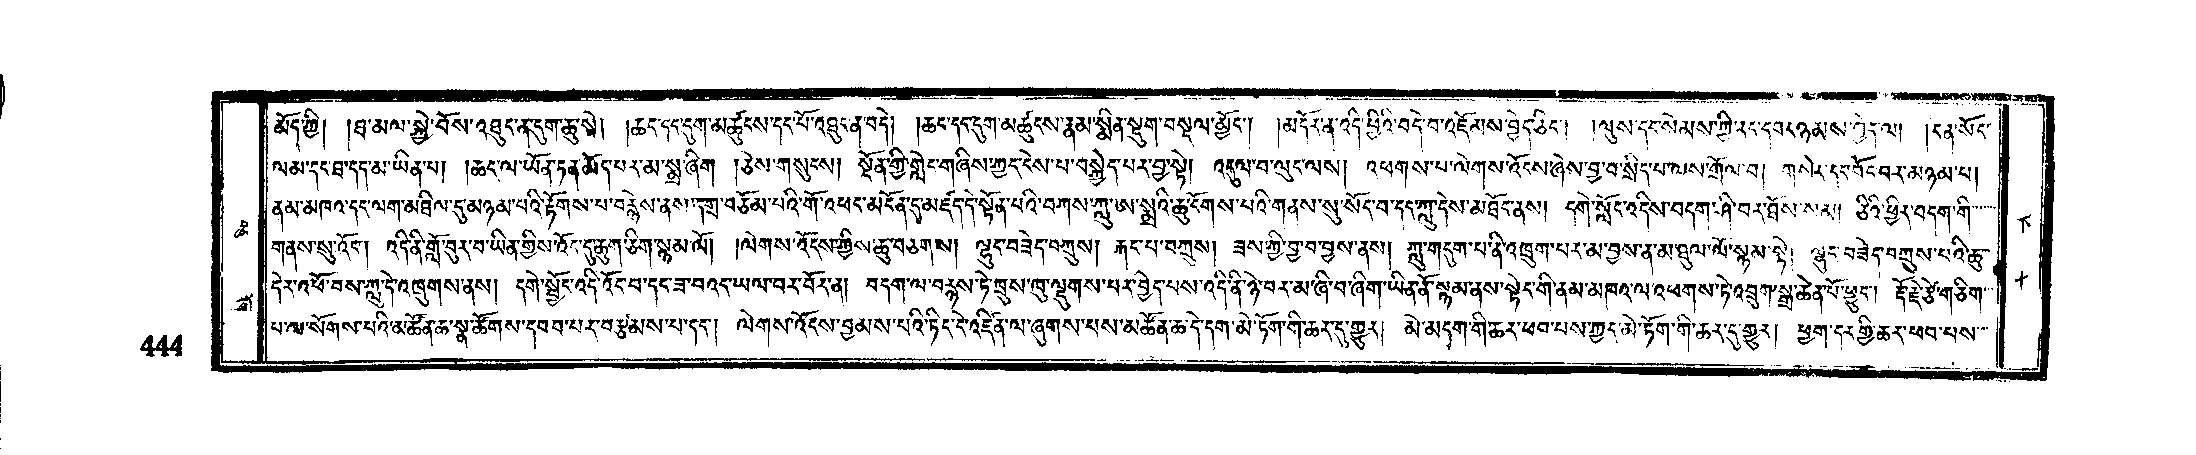མོད་ཀྱི། །ཐ་མལ་སྐྱེ་བོས་འཐུང་ན་དུག་ཆུ་སེ?། །ཆང་དང་དུག་མཚུངས་དང་པོ་འཐུང་ན་བདེ། །ཆང་དང་དུག་མཚུངས་རྣམ་སྨིན་སྡུག་བསྔལ་མྱོང་། །མདོར་ན་འདི་ཕྱིའི་བདེ་བ་འཇོམས་བྱེད་ཅིང་། །ལུས་དང་སེམས་ཀྱི་རང་དབང་ཉམས་བྱེད་ལ། །ངན་སོང་
ལམ་དང་ཐ་དད་མ་ཡིན་པ། །ཆང་ལ་ཡོན་ཏན་མོད་པར་མ་སྨྲ་ཞིག །ཅེས་གསུངས། སྔོན་གྱི་གླེང་གཞིས་ཀྱང་ངེས་པ་བསྐྱེད་པར་བྱ་སྟེ། འདུལ་བ་ལུང་ལས། འཕགས་པ་ལེགས་འོངས་ཞེས་བྱ་བ་སྲིད་པ་ལས་གྲོལ་བ། གསེར་དང་བོང་བར་མཉམ་པ།
ནམ་མཁའ་དང་ལག་མཐིལ་དུ་མཉམ་པའི་རྟོགས་པ་བརྙེས་ནས་དགྲ་བཅོམ་པའི་གོ་འཕང་མངོན་དུ་མཛད་དེ་སྟོན་པའི་བཀས་ཀླུ་ཨ་སྨྲའི་ཆུ་ངོགས་པའི་གནས་སུ་སོང་བ་དང་ཀླུ་དེས་མཐོང་ནས། དགེ་སློང་འདིས་བདག་ཤི་བར་ཐོས་སམ། ཅིའི་ཕྱིར་བདག་གི་
གནས་སུ་འོང་། འདི་ནི་གློ་བུར་བ་ཡིན་གྱིས་འོང་དུ་ཆུག་ཅིག་སྙམ་ལོ། །ལེགས་འོངས་ཀྱིས་ཆུ་བཅགས། ལྷུང་བཟེད་བཀྲུས། རྐང་པ་བཀྲུས། ཟས་ཀྱི་བྱ་བ་བྱས་ནས། ཀླུ་གདུག་པ་ནི་འཁྲུག་པར་མ་བྱས་ན་མ་ཐུལ་ལོ་སྙམ་སྟེ། ལྷུང་བཟེད་བཀྲུས་པའི་ཆུ་
དེར་འཕོ་བས་ཀླུ་དེ་འཁྲུགས་ནས། དགེ་སྦྱོང་འདི་འོང་བ་དང་ཟ་བའང་ཡལ་བར་བོར་ན། བདག་ལ་བརྙས་ཏེ་ཁྲུས་ཁུ་ལྡུགས་པར་བྱེད་པས་འདི་ནི་ཉེ་བར་མ་ཞི་བ་ཞིག་ཡིན་ནོ་སྙམ་ནས་སྟེང་གི་ནམ་མཁའ་ལ་འཕགས་ཏེ་འབྲུག་སྒྲ་ཆེན་པོ་ཕྱུང་། རྡོ་རྗེ་རྩེ་གཅིག་
པ་ལ་སོགས་པའི་མཚོན་ཆ་སྣ་ཚོགས་དབབ་པར་བརྩམས་པ་དང་། ལེགས་འོངས་བྱམས་པའི་ཏིང་ངེ་འཛིན་ལ་ཞུགས་པས་མཚོན་ཆ་དེ་དག་མེ་ཏོག་གི་ཆར་དུ་གྱུར། མེ་མདག་གི་ཆར་ཕབ་པས་ཀྱང་མེ་ཏོག་གི་ཆར་དུ་གྱུར། ཕྱག་དར་གྱི་ཆར་ཕབ་པས་